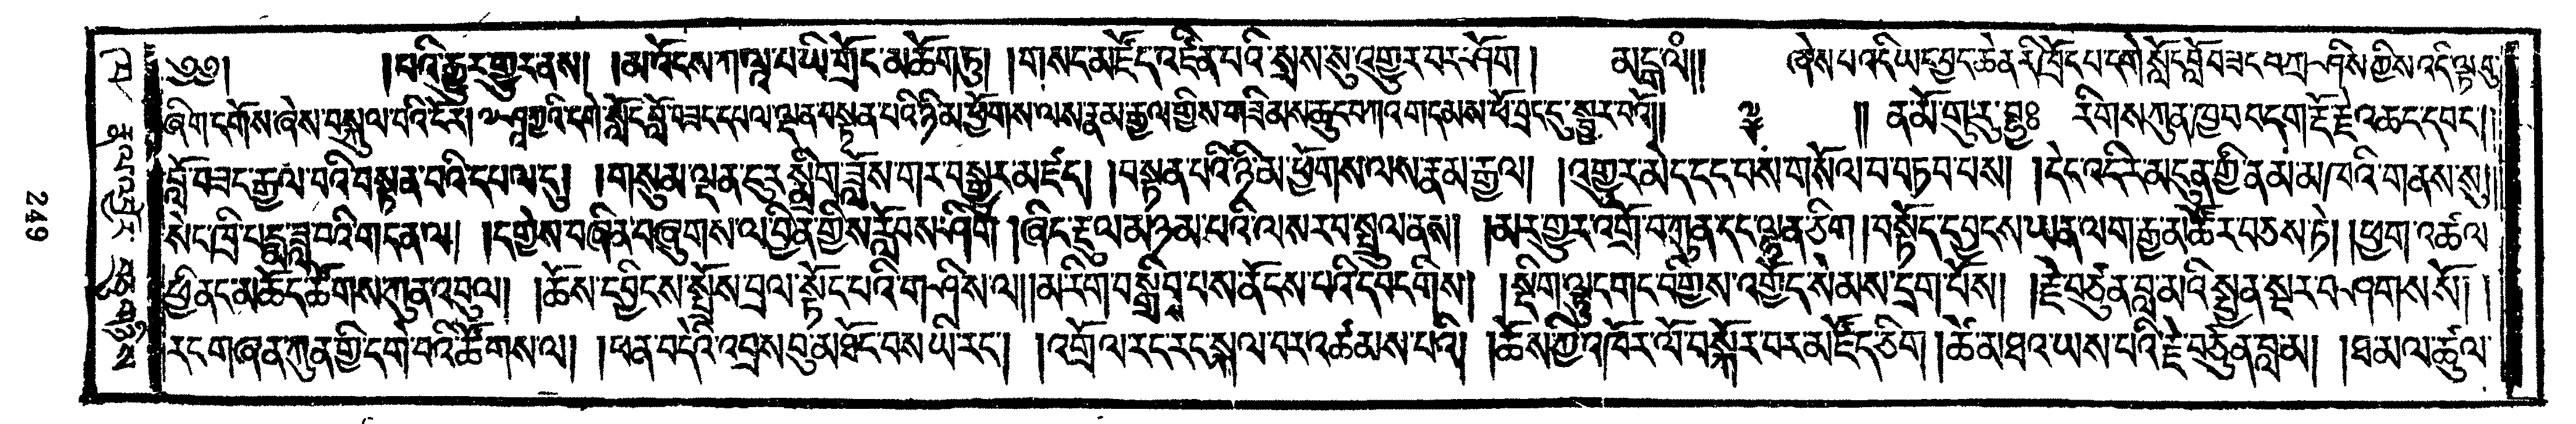༄༅། །པའི་རྒྱུར་གྱུར་ནས། །མ་འོངས་ཀ་ལཱ་པ་ཡི་གྲོང་མཆོག་ཏུ། །གསང་མཛོད་འཛིན་པའི་སྲས་སུ་འགྱུར་བར་ཤོག། མངྒ་ལཾ།། ཞེས་པ་འདི་ཡང་བྱང་ཆེན་རི་ཁྲོད་པ་དགེ་སློང་བློ་བཟང་བཀྲ་ཤིས་ཀྱིས་འདི་ལྟ་བུ་
ཞིག་དགོས་ཞེས་བསྐུལ་བའི་ངོར། ༧་ཤཱཀྱའི་དགེ་སློང་བློ་བཟང་དཔལ་ལྡན་བསྟན་པའི་ཉི་མ་ཕྱོགས་ལས་རྣམ་རྒྱལ་གྱིས་གཟིམས་ཆུང་བཀའ་གདམས་ཕོ་བྲང་དུ་སྦྱར་བའོ།། ༈ །།ན་མོ་གུ་རུ་བྷྱཿ རིགས་ཀུན་ཁྱབ་བདག་རྡོ་རྗེ་འཆང་དབང་། །
བློ་བཟང་རྒྱལ་བའི་བསྟན་པའི་དཔལ་དུ། །གསུམ་ལྡན་དུར་སྨྲིག་ཟློས་གར་བསྒྱུར་མཛད། །བསྟན་པའི་ཉི་མ་ཕྱོགས་ལས་རྣམ་རྒྱལ། །འགྱུར་མེད་དད་པས་གསོལ་བ་བཏབ་པས། །དེང་འདིར་མདུན་གྱི་ནམ་མཁའི་གནས་སུ།
སེང་ཁྲི་པདམ་ཟླ་བའི་གདན་ལ། །དགྱེས་བཞིན་བཞུགས་ལ་བྱིན་གྱིས་རློབས་ཤིག །ཞིང་རྡུལ་མཉམ་པའི་ལས་རབ་སྤྲུལ་ནས། །མར་གྱུར་འགྲོ་བ་ཀུན་དང་ལྷན་ཅིག །བསྟོད་དབྱངས་ཡན་ལག་རྒྱ་མཚོར་བཅས་ཏེ། །ཕྱག་འཚལ་
ཕྱི་ནང་མཆོད་ཚོགས་ཀུན་འབུལ། །ཆོས་དབྱིངས་སྤྲོས་བྲལ་སྟོང་པའི་གཤིས་ལ། །མ་རིག་བསྒྲིབས་པས་ནོངས་པའི་དབང་གིས། །སྡིག་ལྟུང་གང་བགྱིས་འགྱོད་སེམས་དྲག་པོས། །རྗེ་བཙུན་བླ་མའི་སྤྱན་སྔར་བཤད་སོ། །
རང་གཞན་ཀུན་གྱི་དགེ་བའི་ཚོགས་ལ། །ཕན་བདེའི་འབྲས་བུ་མཐོང་བས་ཡི་རང་། །འགྲོ་ལ་རང་རང་སྐལ་བར་འཚམས་པའི། །ཆོས་ཀྱི་འཁོར་ལོ་བསྐོར་བར་མཛོད་ཅིག །ཚེ་མཐའ་ཡས་པའི་རྗེ་བཙུན་བླ་མ། །ཐ་མལ་ཚུལ་